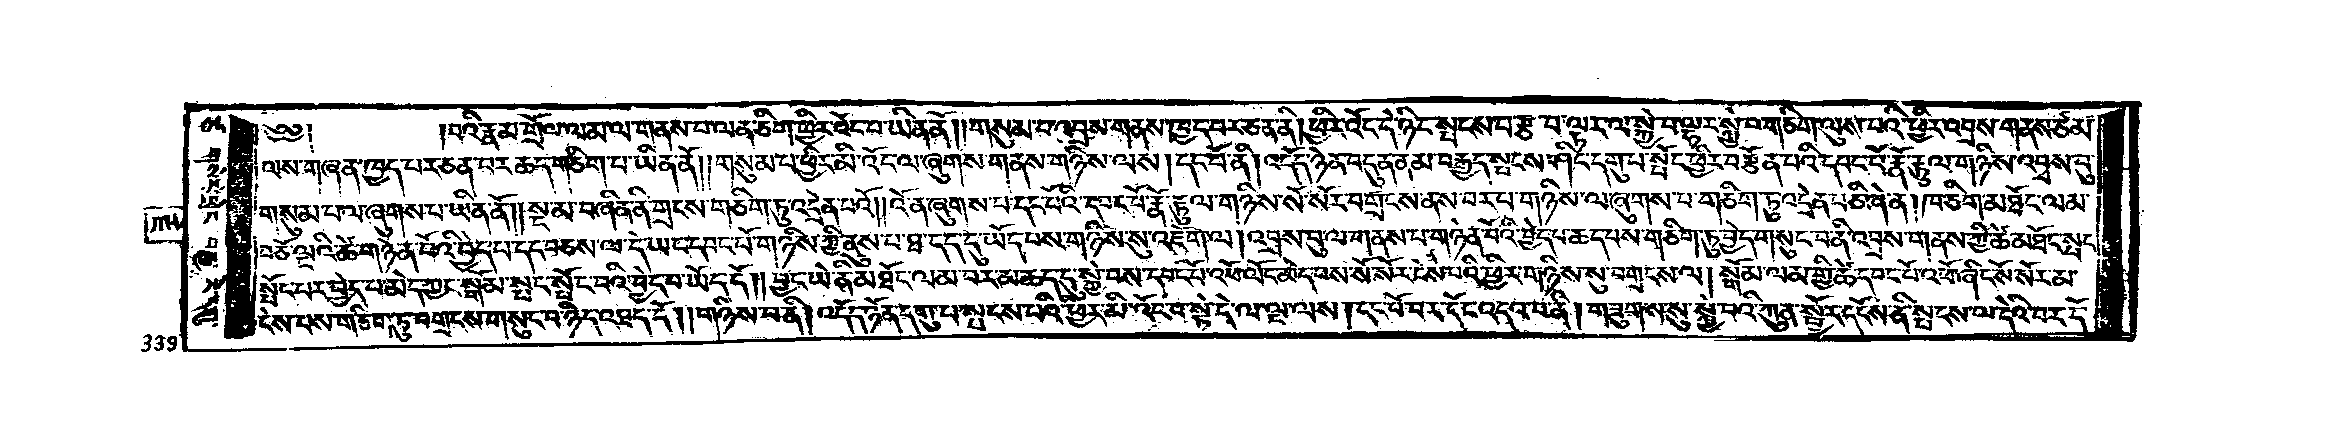༄༅། །པའི་རྣམ་གྲོལ་ལམ་ལ་གནས་པ་ལན་ཅིག་ཕྱིར་འོང་པ་ཡིན་ནོ། །གསུམ་པ་འབྲས་གནས་ཁྱད་པར་ཅན་ནི། ཕྱིར་འོང་དེ་ཉིད་སྤངས་པ་རྩ་བ་ལྟར་ལ་སྐྱེ་བ་ལྷར་སྐྱེ་བ་གཅིག་ལུས་པའི་ཕྱིར་འབྲས་གནས་ཙམ་
ལས་གཞན་ཁྱད་པར་ཅན་བར་ཆད་གཅིག་པ་ཡིན་ནོ། །གསུམ་པ་ཕྱིར་མི་འོང་ལ་ཞུགས་གནས་གཉིས་ལས། དང་པོ་ནི། འདོད་ཉོན་བདུན་ནམ་བརྒྱད་སྤངས་ཤིང་དགུ་པ་སྤོང་ཕྱིར་བརྩོན་པའི་དབང་པོ་རྣོ་རྟུལ་གཉིས་འབྲས་བུ་
གསུམ་པ་ལ་ཞུགས་པ་ཡིན་ནོ། །སྔ་མ་བཞིན་ནི་གྲངས་གཅིག་ཏུ་འདྲེན་པའོ། །འོ་ན་ཞུགས་པ་དང་པོའི་དབང་པོ་རྣོ་རྟུལ་གཉིས་སོ་སོར་བགྲངས་ནས་བར་པ་གཉིས་ལ་ཞུགས་པ་གཅིག་ཏུ་འདྲེན་པ་ཅི་ཞེ་ན། ཁ་ཅིག་མཐོང་ལམ་
བཅོ་ལྔའི་ཚེ་གཉེན་པོའི་བྱེད་པ་དང་བཅས་ལ་དེ་ཡང་དབང་པོ་གཉིས་ཀྱི་ནུས་པ་ཐ་དད་དུ་ཡོད་པས་གཉིས་སུ་འཇོག་ལ། འབྲས་བུ་ལ་གནས་པ་ན་གཉེན་པོའི་བྱེད་པ་ཆད་པས་གཅིག་ཏུ་བྱེད་གསུང་བ་ནི་འབྲས་གནས་ཀྱི་ཚེ་མཐོང་སྤང་
སྤོང་པར་བྱེད་པ་མེད་ཀྱང་སྒོམ་སྤང་སྤོང་བའི་བྱེད་པ་ཡོད་དོ། །བྱང་ཡེ་ནི་མཐོང་ལམ་བར་མ་ཆད་དུ་སྐྱེ་བས་དབང་པོ་འཕོ་ལོང་མེད་པས་སོ་སོར་ངེས་པའི་ཕྱིར་གཉིས་སུ་བགྲངས་ལ། སྒོམ་ལམ་གྱི་ཚེ་དབང་པོ་འཕོ་ཞིང་སོ་སོར་མ་
ངེས་པས་གཅིག་ཏུ་བགྲངས་གསུང་བ་ཉིད་འཐད་དོ། །གཉིས་པ་ནི། འདོད་ཉོན་དགུ་པ་སྤངས་པའི་ཕྱིར་མི་འོང་བ་སྟེ་དེ་ལ་ལྔ་ལས། དང་པོ་བར་དོར་འདའ་བ་ནི། གཟུགས་སུ་སྐྱེ་བའི་ཀུན་སྦྱོར་དངོས་ནི་སྤངས་ལ་དེའི་བར་དོ་